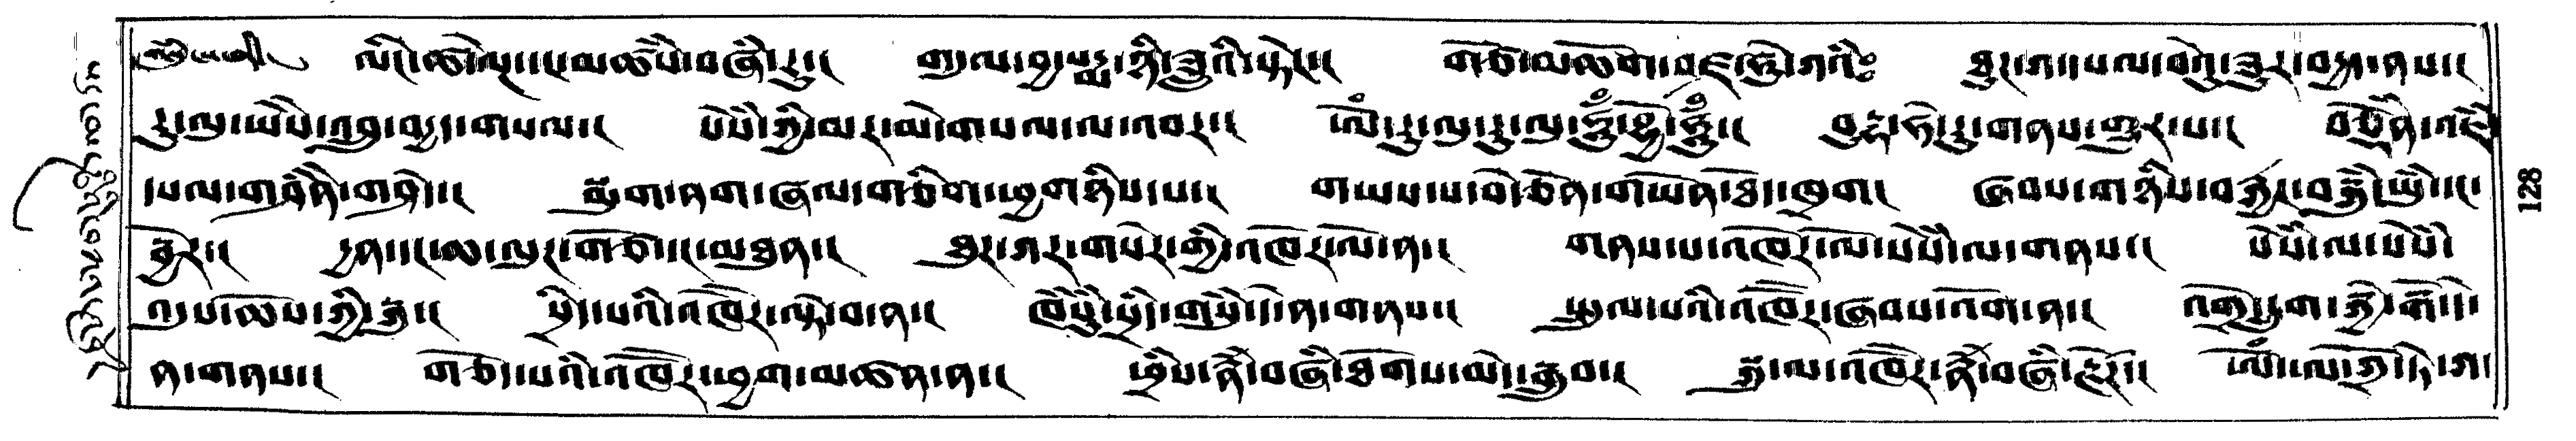གསུམ་པ་ནི། ལིང་ཚེ་ལྔ་དང་མཚམས་བཞི་རུ། །གདུལ་བྱ་པདྨ་ཉི་ཟླའི་སྟེང་། །གཙོ་མཆོག་བཛྲ་ཧེ་རུ་ཀའིཿ ཐུགས་ཀ་དཔལ་བེའུ་ཟུར་བརྒྱད་ནས། །
རུ་ལུ་ཡི་གེ་འབྲུ་བརྒྱད་གསལ། །སེམས་ཀྱི་མར་མེ་གསལ་ལ་འབར། ཨོཾ་རུ་ལུ་རུ་ལུ་ཧཱུྃ་བྷྱོ་ཧཱུྃ། བུདྡྷ་ཧེ་རུ་གནས་འགྱུར་པ། །བཅོམ་ལྡན་འཇམ་
དཔལ་གཤིན་རྗེ་གཤེད། །སྨུག་ནག་ཞལ་གཅིག་ཕྱག་གཉིས་པ། །གཡས་པས་བེ་ཅོན་གཡོན་ཐོད་ཁྲག །ཞབས་གཉིས་བརྐྱང་བསྐུམ་ཡུམ་དང་
སྦྱོར། །རྒྱན་དང་ཆ་ལུགས་གཙོ་དང་མཐུན། །ཐུགས་ཀར་གསེར་གྱི་འཁོར་ལོ་ན། །གནས་པའི་འཁོར་ལོ་སེམས་ལ་གནས། །སེམས་ལ་སེམས་
འདུས་ཆོས་ཀྱི་སྐུ། །སྲིད་པའི་འཁོར་ལོ་ལྟེ་བ་ན། །ཁམས་གསུམ་སྲིད་གསུམ་དེ་ན་གནས། །སྤྲུལ་པའི་འཁོར་ལོ་ཞབས་འོག་ན། །འགྲོ་དྲུག་སྐྱེ་སྒོ་དེ་
ན་གནས། །གཅོད་པའི་འཁོར་ལོ་ཕྱག་མཚན་ན། །ཕྲིན་ལས་རྣམ་བཞི་ཐོགས་མེད་སྒྲུབ། །སྐུ་ལ་འཁོར་ལོ་རྣམ་བཞི་རྫོགས། །ཨོཾ་ཨ་ཀྲོ་ཏི་ཀ་